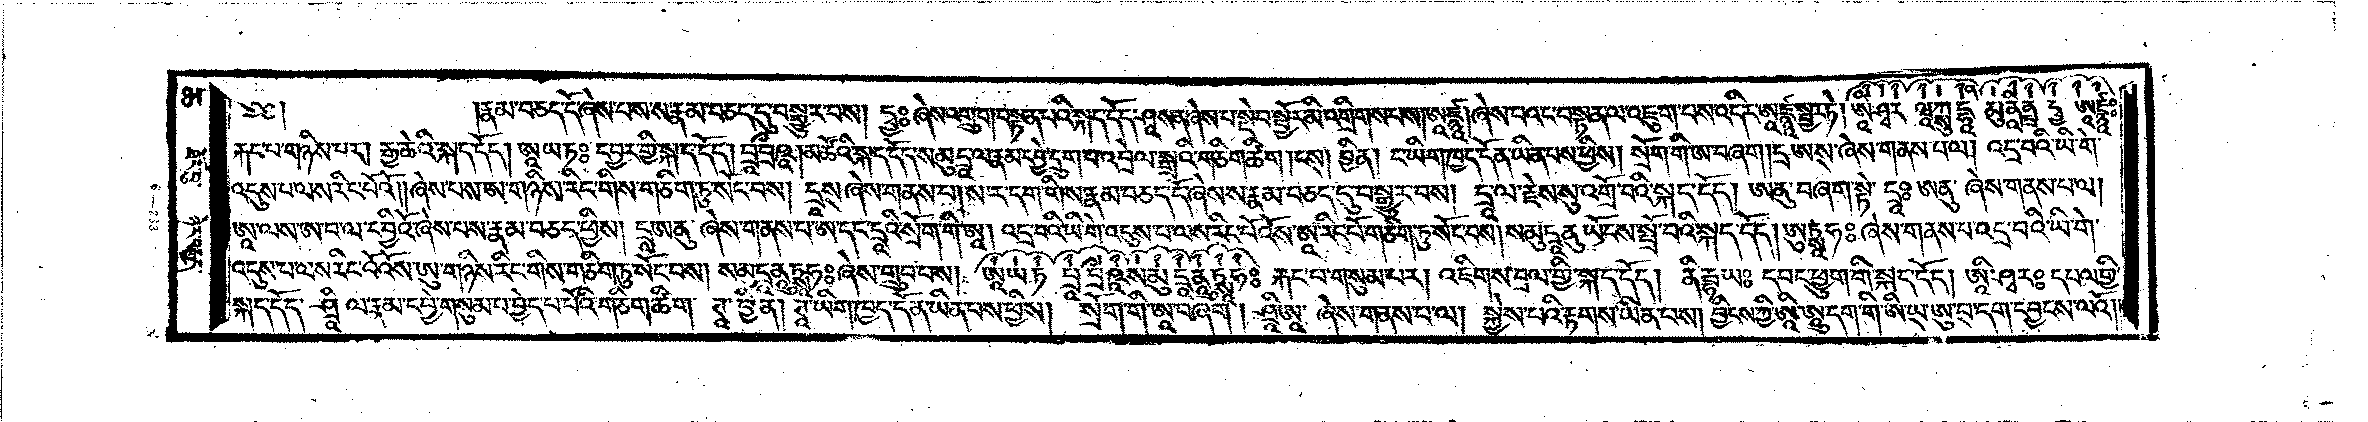༄༅། །རྣམ་བཅད་དོ་ཞེས་པས་ས་རྣམ་བཅད་དུ་བསྒྱུར་པས། དྭྱཿ ཞེས་འགྲུག་བསྟན་པའི་སྐད་དོད་ཤཱས་ན་ཞེས་པ་སྡེབ་སྦྱོར་མི་འགྲིགས་པས། ཨཱཛྙཱ། ཞེས་བའང་བསྟན་ལ་འཇུག་བས་འདིར་ཨཱཛྙཱ་སྦྱར་ཏེ། ཨཱི་ཤར་ཝཱཀྶུདྷཱ་མུནཱིནྦྷ་དྭྱ་ཨཱཛྙཱཿ
རྐང་པ་གཉིས་པར། རྒྱ་ཆེའི་སྐད་དོད། ཨཱ་ཡ་ཏཿ དབྱར་གྱི་སྐད་དོད། བྲཱྀབྲྵཱ། མཚོའི་སྐད་དོད་སམུདྲཱ་ལ་རྣམ་དབྱེ་དྲུག་པ་འབྲེལ་སྒྲའི་གཅིག་ཚིག །ངས། བྱིན། ད་ཡིག་ཁྱད་དོན་ཡིན་པས་ཕྱིས། སྲོག་གི་ཨ་བཞག །དྲ་ཨ྄ས་ཞེས་གནས་བ་ལ། འདྲ་བའི་ཡི་གེ་
འདུས་པ་ལས་རིང་པོའོ། །ཞེས་པས་ཨ་གཉིས་རིང་གིས་གཅིག་ཏུ་རོང་བས། །དྲཱས་ཞེས་གནས་བ། ས་ར་དག་གིས་རྣམ་བཅད་དོ་ཞེས་ས་རྣམ་བཅད་དུ་བསྒྱུར་བས། དྲཱ་ལ་རྗེས་སུ་འགྲོ་བའི་སྐད་དོད། ཨ་ནུ་བཞག་སྟེ་དྲཱཿ ཨནུ་ཞེས་གནས་པ་ལ།
ཨཱ་ལས་ཨ་བ་ལ་དབྱིའོ་ཞེས་པས་རྣམ་བཅད་ཕྱིས། དྲལ་ཨནུ་ཞེས་གནས་པ་ཨ་དང་དྲཱའི་སྲོག་གི་ཨཱ། འདྲ་བའི་ཡི་གེ་འདུས་བ་ལས་རིང་པོའོས་ཨཱ་རིང་པོ་གཅིག་ཏུ་སོང་བས། སམུདྲཱ་ནུ་ཡོངས་སྤྲོ་བའི་སྐད་དོད། ཨུཚཱཧཿ ཞེས་གནས་པ་འདྲ་བའི་ཡི་གེ་
འདུས་པ་ལས་རིང་འོའོས་ཨུ་གཉིས་རིང་གིས་གཅིག་ཏུ་སོང་པས། སམདྲཱནཱུདྶཱཧཿ ཞེས་གྲུབ་བས། ཨཱ་ཡེ་ཏ་པྲཱ་པྲྀཥཱསྨུདྲཱནཱུཚཱཧཿ རྐང་བ་གསུམ་བར། འཇིགས་བྲལ་གྱི་སྐད་དོད། ནིརྦྷ་ཡཿ དབང་ཕྱུག་གི་སྐད་དོད། ཨཱི་ཤྭརཿདཔལ་གྱི་
སྐད་དོད་ཤྲཱི་ལ་རྣམ་དབྱེ་གསུམ་བ་བྱེད་པ་པོའི་གཅིག་ཚིག་ཊཱ་བྱ་ནི། ཊཱ་ཡིག་ཁྱད་དོན་ཡིན་པས་ཕྱིས། སྲོག་གི་ཨཱ་བཞག ། ཤྲཱི་ཨཱ་ཞེས་གནས་བ་ལ། སྐྱེས་པའི་རྟགས་ཡིན་པས། བྱིངས་ཀྱི་ཨཱི་ཨཱུ་དག་གི་ཨི་ཡ་ཨུ་བ་དག་དབྱངས་ལའོ།།